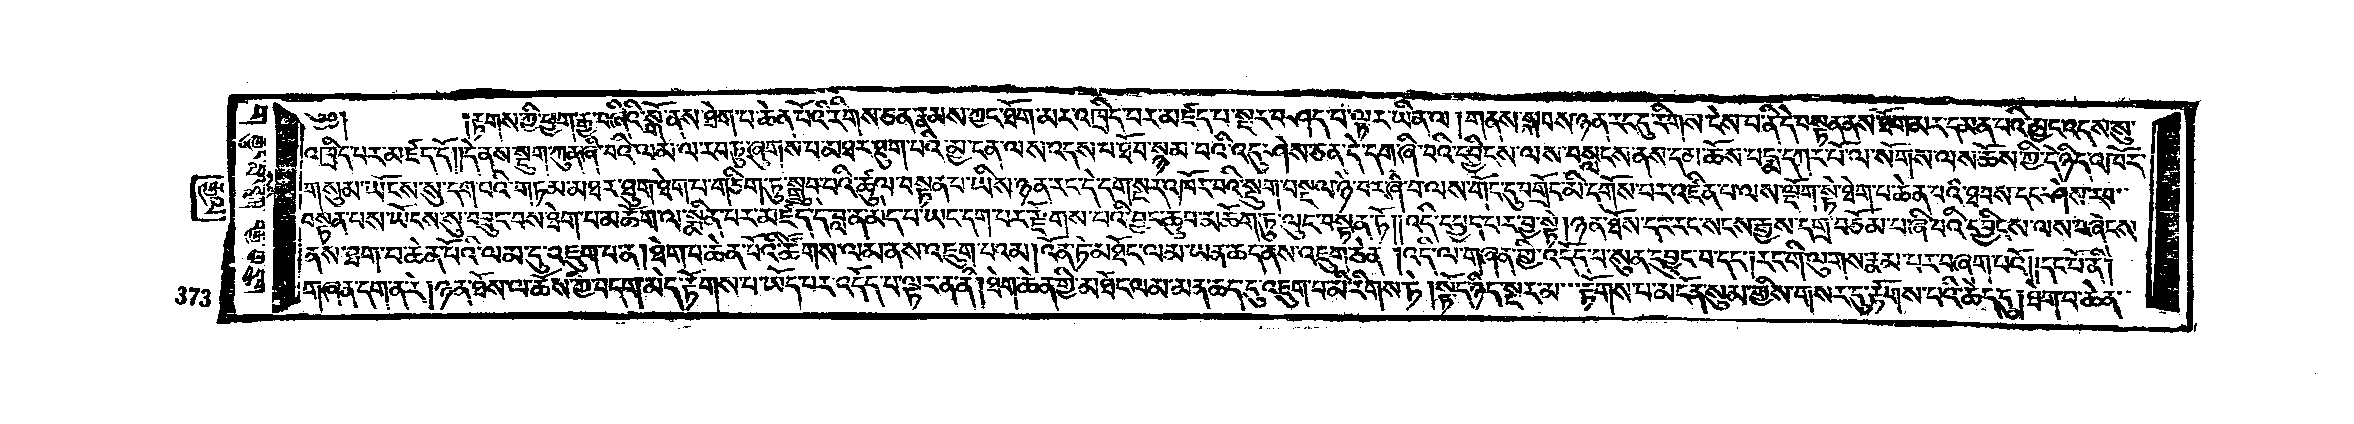༄༅། །རྟགས་ཀྱི་ཕྱག་རྒྱ་བཞིའི་སྒོ་ནས་ཐེག་པ་ཆེན་པོའི་རིགས་ཅན་རྣམས་ཀྱང་ཐོག་མར་འཁྲིད་པར་མཛད་པ་སྔར་བཤད་པ་ལྟར་ཡིན་ལ། གནས་སྐབས་ཉན་རང་དུ་རིགས་ངེས་པ་ནི་དེ་བསྟན་ནས་ཐོག་མར་དམན་པའི་མྱང་འདས་སུ་
འཁྲིད་པར་མཛད་དོ། །དེ་ནས་སྡུག་ཀུན་ཞི་བའི་ལམ་ལ་རབ་ཏུ་ཞུགས་པ་མཐར་ཐུག་པའི་མྱ་ངན་ལས་འདས་པ་ཐོབ་སྙམ་པའི་འདུ་ཤེས་ཅན་དེ་དག་ཞི་བའི་དབྱིངས་ལས་བསླངས་ནས་དམ་ཆོས་པདམ་དཀར་པོ་ལ་སོགས་ལས་ཆོས་ཀྱི་དེ་ཉིད་འཁོར་
གསུམ་ཡོངས་སུ་དག་པའི་གཏམ་མཐར་ཐུག་ཐེག་པ་གཅིག་ཏུ་སྒྲུབ་པའི་ཚུལ་བསྟན་པ་ཡིས་ཉན་རང་དེ་དག་སྔར་འཁོར་བའི་སྡུག་བསྔལ་ཉེ་བར་ཞི་བ་ལས་གོང་དུ་བགྲོད་མི་དགོས་པར་འཛིན་པ་ལས་ལྡོག་སྟེ་ཐེག་པ་ཆེན་པོའི་ཐབས་དང་ཤེས་རབ་
བསྟན་པས་ཡོངས་སུ་བཟུང་བས་ཐེག་པ་མཆོག་ལ་སྨིན་པར་མཛད་དེ་བླ་ན་མེད་པ་ཡང་དག་པར་རྫོགས་པའི་བྱང་ཆུབ་མཆོག་ཏུ་ལུང་བསྟན་ཏོ། །འདི་དཔྱད་པར་བྱ་སྟེ། ཉན་ཐོས་དང་རང་སངས་རྒྱས་དགྲ་བཅོམ་པ་ཞི་བའི་དབྱིངས་ལས་བཞེངས་
ནས་ཐེག་པ་ཆེན་པོའི་ལམ་དུ་འཇུག་པ་ན། ཐེག་པ་ཆེན་པོའི་ཚོགས་ལམ་ནས་འཇུག་པའམ། འོན་ཏེ་མཐོང་ལམ་ཡན་ཆད་ནས་འཇུག་ཅེ་ན། འདི་ལ་གཞན་གྱི་འདོད་པ་སུན་དབྱུང་བ་དང་། རང་གི་ལུགས་རྣམ་པར་བཞག་པའོ། །དང་པོ་ནི།
གཞན་དག་ན་རེ། ཉན་ཐོས་ལ་ཆོས་ཀྱི་བདག་མེད་རྟོགས་པ་ཡོད་པར་འདོད་པ་ལྟར་ན་ནི། ཐེག་ཆེན་གྱི་མཐོང་ལམ་མན་ཆད་དུ་འཇུག་པ་མི་རིགས་ཏེ། སྟོང་ཉིད་སྔར་མ་རྟོགས་པ་མངོན་སུམ་གྱིས་གསར་དུ་རྟོགས་པའི་ཆེད་དུ། ཐེག་པ་ཆེན་